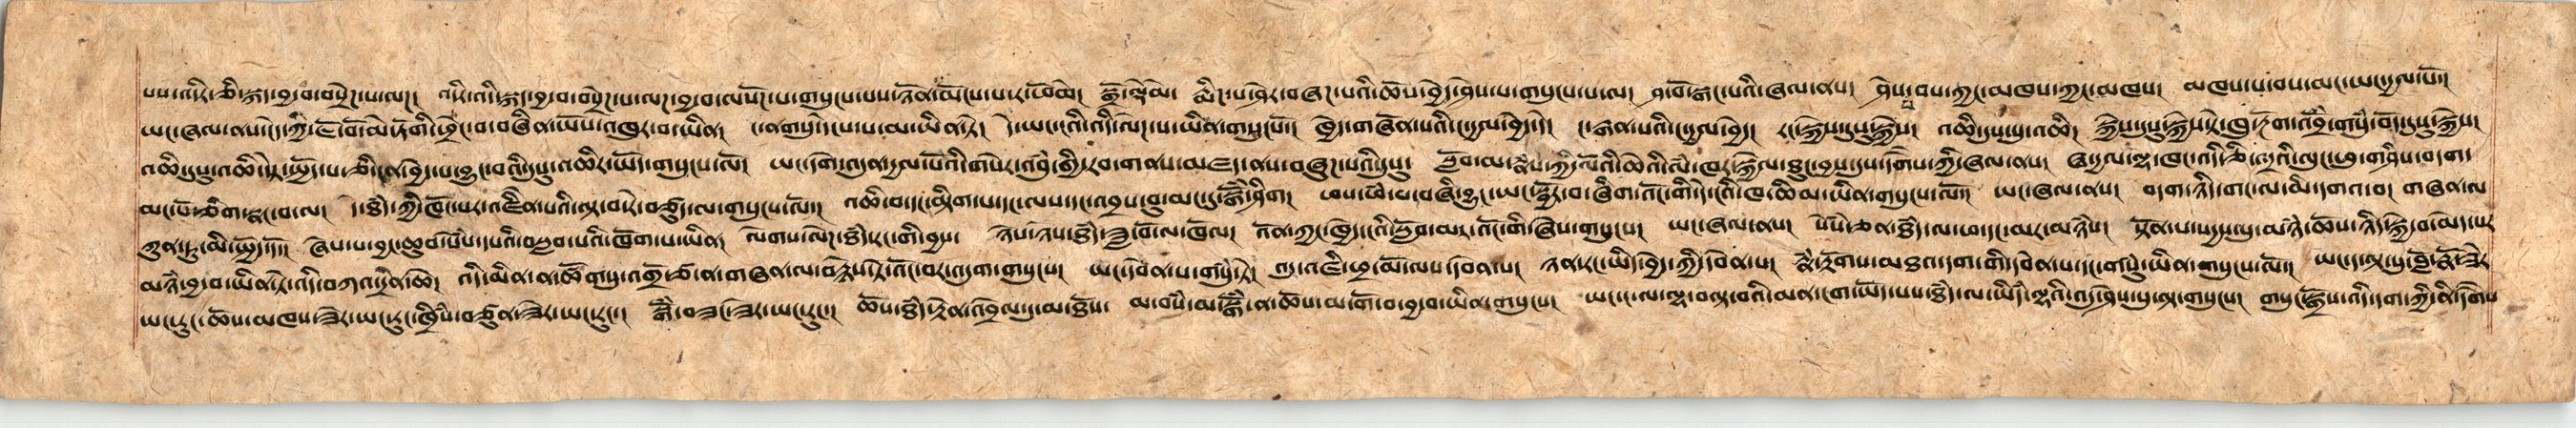པས་འདིར་ཅི་སྐད་བྱ་བ་བསྲེཌ་པ་ལཌ། འདིར་འདི་སྐད་བྱ་བ་བསྲེཌ་པ་ལཌ་བྱ་བ་ལསོཌ་པ་གསུངས་པས་ཉོན་མོངས་པ་ར་ཕོམེ། སྒྲོ་ལྡེམེ་ རྨིཌ་པ་ཤེར་བཞཌ་པའི་ཆོས་བྱེད་པ་གསུངས་པ་ལ། ཤ་བོ་སྒང་པའི་ཞལ་ནས། ཤེས་པ་བས་ཀྱང་མཁས་ཀྱང་མཁས། མཁས་པ་བས་མང་ཡང་དྱལ་པོ་།
ཡང་ཞལ་ནས་ངེད་ཀྱི་ཇོ་བོ་མེ་ཏོགི་འཕྲེང་བ་བཞིན་ཡོས་འཁུར་བ་ཡིན། ང་ནགསུ་དེངས་པ་མ་ཡིན་ཏེ། དེ་ཡང་ངའི་འདི་ལེཌ་པ་ཡིན་གསུངསོ་། ཁྱེད་གཞོན་པའི་ང་དྱལ་བྱེད་དེ། ང་རྒན་པའི་ང་དྱལ་བྱེད། རང་སྐྱེས་དུསུ་སྐྱེས། འཆི་དུས་སུ་འཆི། སྐྱེས་དུསུ་སྐྱེས་ཏེ་ཁུ་རྔོག་འབྲོཾ་གསུཾ་བོད་དུསུ་སྐྱེས།
འཆི་དུས་སུ་འཆི་སྟེ་སྤྱོད་པ་ཅི་ངན་བྱེད་པ་བྱུང་བའི་དུསུ་འཆིར་ཡོད་གསུངས་ལོ། ཡང་དགེ་འདུན་དྱལ་པོའི་གསེར་འབུཾ་གྱི་རབ་གནས་མཛད་ནས་བཞུཌ་པའི་དུསུ་ སློབ་མ་རྣཾས་ཀྱི་ལོའི་ཆེའི་ལཾ་་ཁར་སྐྱེལ་ཐུང་བྱས་དུས་དགཻས་ཀྱི་ཞལ་ནས། ཝ་དྱལ་ལྷ་ཁང་འདི་ཅི་འདྲའི་ལུང་ཕུ་གཤིས་བདག་
མང་པོ་ཞིག་སྣང་བ་ལ། དེ་ཐཾད་ཀྱི་ཁོང་པར་འཇིེན་པའི་ལྟ་བ་རེ་བཙུད་ལ་གསུངས་ལོ་། འཆི་བ་དང་མྟིག་པ་དང་ལས་དང་འབྲས་བུ་མང་དུ་སྒོཾ་ཤིག། ཕས་ཕཾ་པ་བཞི་བྱུང་ཡང་སྦྱོར་བ་ཞིག་འོང་གི་དེ་ངའི་ཁ་ཆིམ་ཡིན་གསུངས་ལོ་། ཡང་ཞལ་ནས། བདག་ཉིད་གང་ལ་མི་དགའ་བ། གཞན་ལ་
ཀུན་ཏུ་མི་སྤྱོད་དོ་། ཞེས་པ་བྱང་ཆུབ་སེཾས་དཔའི་བསླབ་པའི་ཁོག་པ་ཡིན། ལེགས་ལེཌ་ཐཾད་རང་གི་བྱས་ ཉེས་ཉེས་ཐཾད་ཟླ་བོ་ལ་ཁོལ། འོན་ཀྱང་ཁྱེད་ངའི་སློབ་མར་འོང་གི་ཞེས་གསུངས། ཡང་ཞལ་ནས། སེཾས་ཅན་ཐཾད་ལ་ཕ་དང་མར་མཉཾས། སྟོན་པ་སདྱས་སུ་མཉཾ་ཆོས་ཉིད་སྐྱེ་བ་མེད་པར་
མཉཾ་བྱ་བ་ཡིན་ཏེ་འདི་བཀའ་དྲིན་ཆེ། འདི་མིན་ན་ཚོགསུ་འགྲོ་ཙ་ན་གཞན་ལ་བསྙེས་ཏེ་འོང་བར་འདུག་གསུངས། ཡང་དབེན་པ་གསུཾ་ཏེ། འདུ་འཛི་ཕྲ་མོ་ལས་དབེན་པ། ཉན་རང་ཡིད་བྱེད་ཀྱི་དབེན་པ། རྣཾ་རྟོགས་མཐའ་དག་གི་དབེན་པ་དང་གསུཾ་ཡིན་གསུངས་ལོ་། ཡང་ད་ལྟར་སུ་བློ་རྣོ་ཟེར
ཡང་རུང་ཆོས་མཁས་ཟེར་ཡང་རུང་ཁྲིཾས་བཙུན་ཟེར་ཡང་རུང་། སྒོཾ་བཟང་ཟེར་ཡང་རུང་། ཆོས་ཐཾད་རྟེན་འབྲེལ་དུ་མ་ཐོས། མ་བསཾ་མ་བསྒོཾ་ན་ཆོས་མ་གོ་བ་བྱ་བ་ཡིན་གསུངས། ཡང་ང་ལ་ལྷ་བལྟ་བའི་མན་ངག་ཡོད་པས་ཐཾད་ལ་ཡིདཾ་ལྷའི་འདུ་ཤེས་སུ་ལྟ་གསུངས། གསུངསྒྲོས་འདི་དག་ཀྱི་ནི་དགཻས་